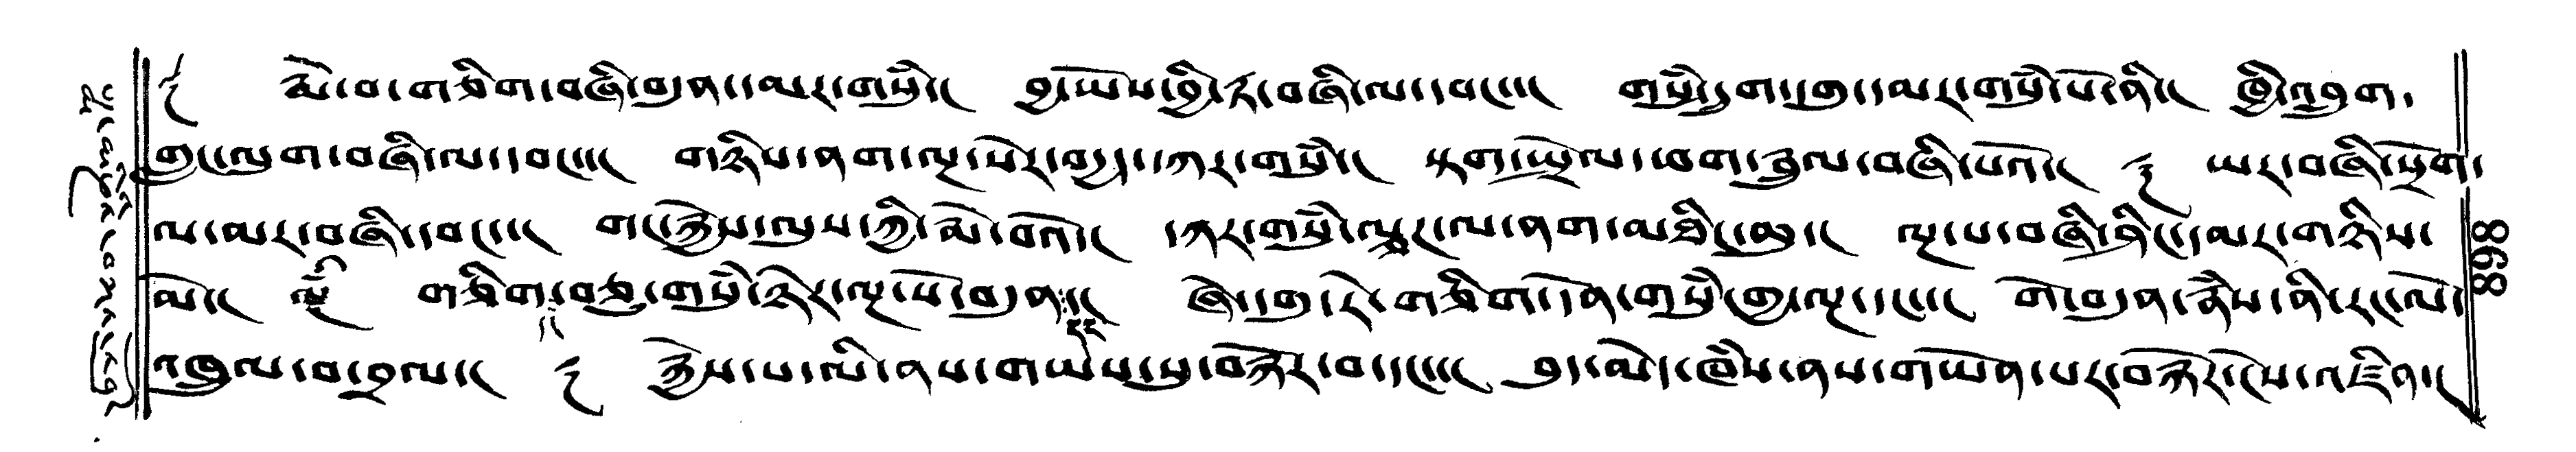༈ རྨེ་བ་གཅིག་བཞི་བདུན་དམར་གསུམ། །བྱ་ཡོས་བྱི་རྟ་བཞི་ལ་དབང་། །གསུམ་དྲུག་དགུ་དམར་གསུམ་པོ་ནི། ཁྱི་འབྲུག་
གླང་ལུག་བཞི་ལ་དབང་། །གཉིས་ནག་ལྔ་སེར་བརྒྱད་དཀར་གསུམ། །སྟག་སྤྲེལ་ཕག་སྦྲུལ་བཞི་པའོ། ༈ ཡར་བཞི་སྲོག་
ལ་མར་བཞི་དབང་། །གང་སྐྱེས་ལུས་ཀྱི་རྨེ་བའོ། །དཀར་གསུམ་ལྕགས་ལ་ནག་མཐིང་ཆུ། །ལྔ་པ་བཞི་ཤིང་དམར་གཉིས་
མེ།༈ གཅིག་དང་བཅུ་གསུམ་ཉེར་ལྔ་སོ་བདུན་དང་། །ཞེ་དགུ་རེ་གཅིག་དོན་གསུམ་གྱ་ལྔ་དང་། །གོ་བདུན་རྣམས་ནི་རང་ལོ་
འཁྲུལ་བ་བྲལ། ༈ སྐྱེས་པ་ལི་ནས་གཡས་སུ་བསྐོར་བ་དང་། །བུད་མེད་ཁམ་ནས་གཡོན་པར་བསྐོར་ངོས་འཛིན།